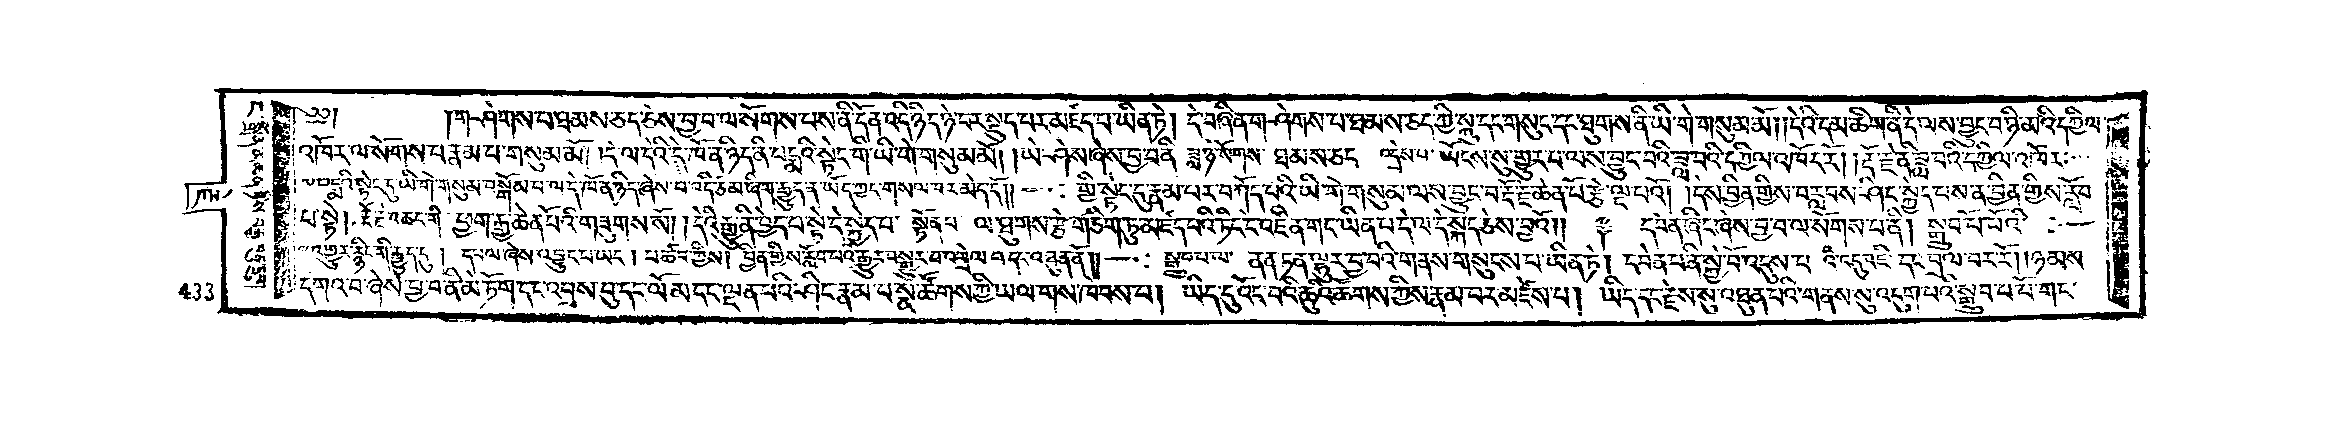༄༅། །གཤེགས་པ་ཐམས་ཅད་ཅེས་བྱ་བ་ལ་སོགས་པས་ནི་དོན་འདི་ཉིད་ཉེ་བར་སྡུད་པར་མཛད་པ་ཡིན་ཏེ། དེ་བཞིན་གཤེགས་པ་ཐམས་ཅད་ཀྱི་སྐུ་དང་གསུང་དང་ཐུགས་ནི་ཡི་གེ་གསུམ་མོ། །དེའི་དམ་ཚིག་ནི་དེ་ལས་བྱུང་བ་ཉི་མའི་དཀྱིལ་
འཁོར་ལ་སོགས་པ་རྣམ་པ་གསུམ་མོ། །དེ་ལ་དེའི་དེ་ཁོ་ན་ཉིད་ནི་པདམའི་སྟེང་གི་ཡི་གེ་གསུམ་མོ། །ཡེ་ཤེས་ཞེས་བྱ་བ་ནི་ཟླ་ཉེ་སོགས་ཐམས་ཅད་འདྲེས་པ་ཡོངས་སུ་གྱུར་པ་ལས་བྱུང་བའི་ཟླ་བའི་དཀྱིལ་འཁོར་རོ། །རྡོ་རྗེ་ནི་ཟླ་བའི་དཀྱིལ་འཁོརཿ
༧པདམའི་སྟེང་དུ་ཡི་གེ་གསུམ་བསྒོམ་པ་ལ་དེ་ཁོ་ན་ཉིད་ཞེས་པ་འདི་ཙམ་ཞིག་རྒྱུད་ན་ཡོད་ཀྱང་གསལ་པར་མེད་དོ།། .H གྱི་སྟེང་དུ་རྣམ་པར་བཀོད་པའི་ཡི་གེ་གསུམ་ལས་བྱུང་བ་རྡོ་རྗེ་ཆེན་པོ་རྩེ་ལྔ་པའོ། །དེས་བྱིན་གྱིས་བརླབས་ཤིང་སྐྱེད་པས་ན་བྱིན་གྱིས་རློབ་
པ་སྟེ། རྡོ་རྗེ་འཆང་གི་ཕྱག་རྒྱ་ཆེན་པོའི་གཟུགས་སོ། །དེའི་རྒྱུ་ནི་བྱེད་པ་སྟེ་དེ་སྐྱེད་པ་སྟོན་པ་ལ་ཐུགས་རྩེ་གཅིག་ཏུ་མཛད་པའི་ཏིང་ངེ་འཛིན་གང་ཡིན་པ་དེ་ལ་དེ་སྐད་ཅེས་བྱའོ།། ༈ དབེན་ཞིང་ཞེས་བྱ་བ་ལ་སོགས་པ་ནི། སྒྲུབ་པོ་པོའིཿ
༧འགྱུར་རྙིང་གི་རྒྱུད་དུ། དཔལ་ཞེས་འབྱུང་པ་ཡང་། པ་ཚབ་ཀྱིས། བྱིན་གྱིས་རློབ་པའི་རྒྱུར་བསྒྱུར་བ་འགྲེལ་བ་དང་འཐུན་ནོ།།  .Hསྒྲུབ་པ་ལ་ནན་ཏན་ལྷུར་བྱ་བའི་གནས་གསུངས་པ་ཡིན་ཏེ། དབེན་པ་ནི་སྐྱེ་བོ་འདུས་པའི་འདུ་འཇི་དང་བྲལ་བར་རོ། །ཉམས་
དགའ་བ་ཞེས་བྱ་བ་ནི་མེ་ཏོག་དང་འབྲས་བུ་དང་ལོ་མ་དང་ལྡན་པའི་ཤིང་རྣམ་པ་སྣ་ཚོགས་ཀྱི་ཡལ་གས་ཁེབས་པ། ཡིད་དུ་འོང་བའི་ཆུའི་ཚོགས་ཀྱིས་རྣམ་པར་མཛེས་པ། ཡིད་དང་རྗེས་སུ་འཐུན་པའི་གནས་སུ་འདུག་པའི་སྒྲུབ་པ་པོ་གང་